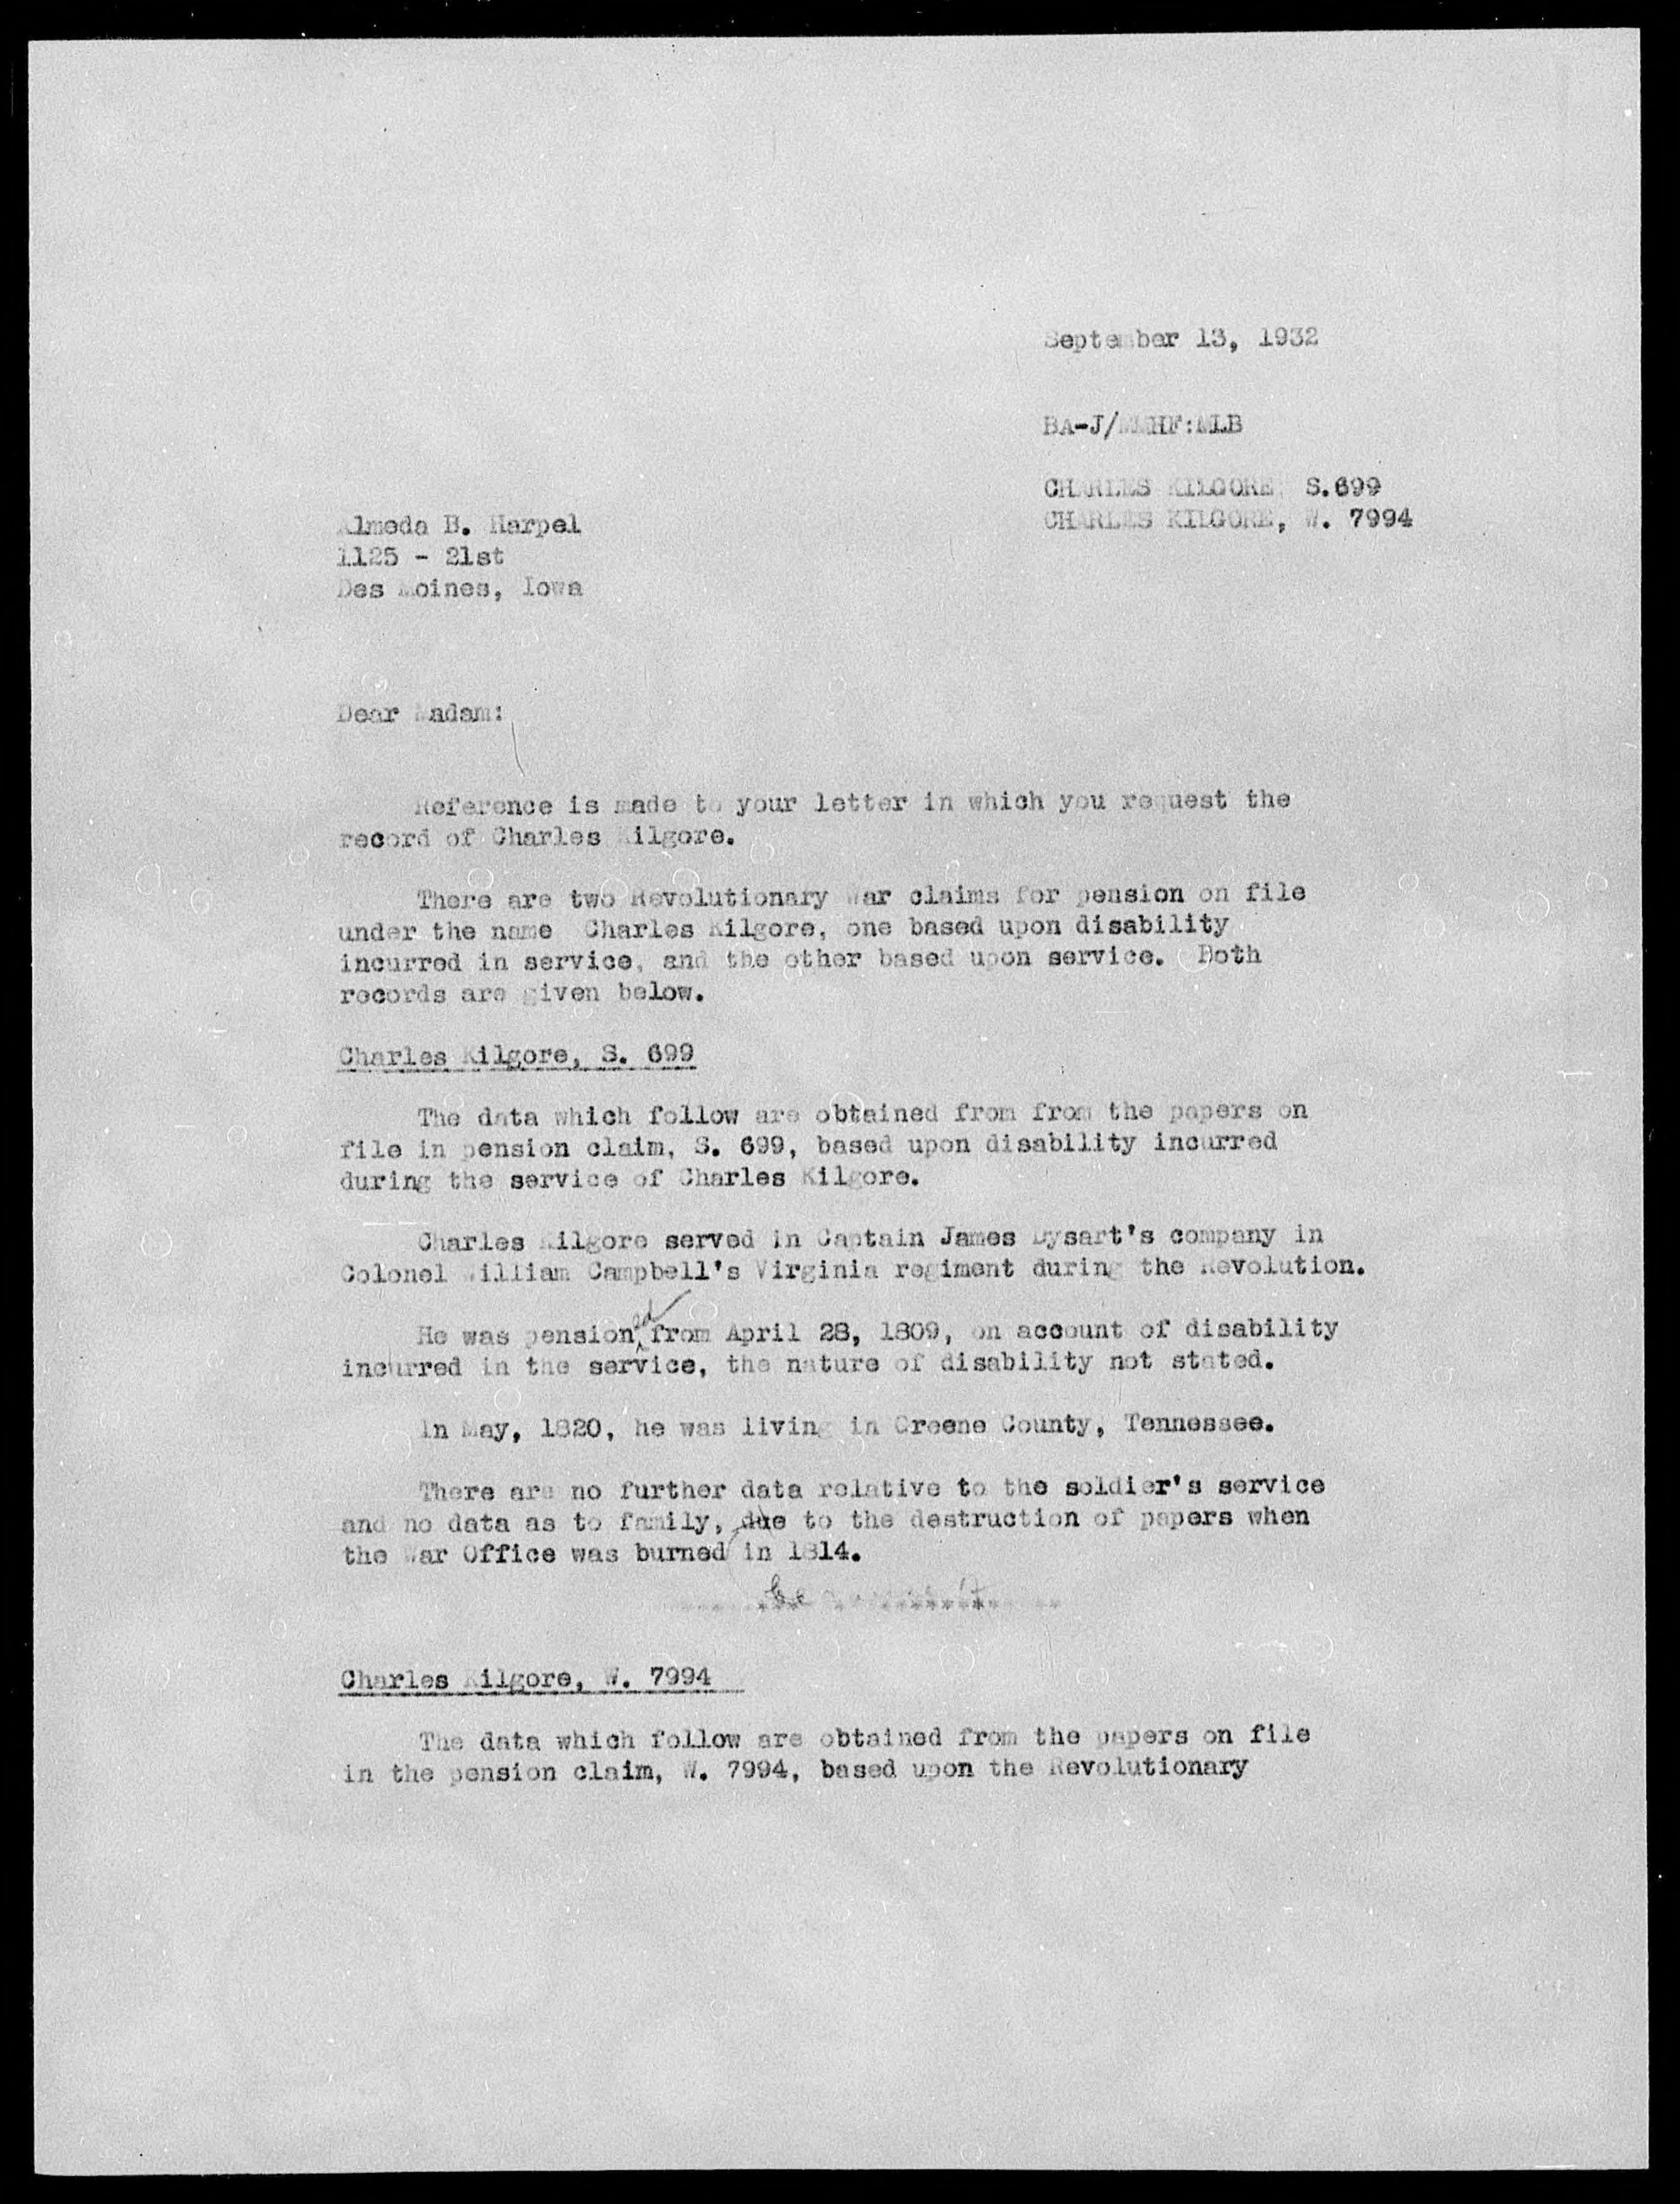September 13, 1932
BA-J/MMHF:MLB
CHARLES KILGORE, S.699
CHARLES KILGORE, W. 7994

Almeda B. Harpel
1125 - 21st
Des Moines, Iowa

Dear Madam:
Reference is made to your letter in which you request the record of Charles Kilgore.
There are two Revolutionary War claims for pension on file under the name Charles Kilgore, one based upon disability incurred in service, and the other based upon service. Both records are given below.

Charles Kilgore, S. 699
The data which follow are obtained from from the papers on file in pension claim, S. 699, based upon disability incurred during the service of Charles Kilgore.
Charles Kilgore served in Captain James Dysart's company in Colonel William Campbell's Virginia regiment during the Revolution.
He was pensioned from April 28, 1809, on account of disability incurred in the service, the nature of disability not stated.
In May, 1820, he was living in Greene County, Tennessee.
There are no further data relative to the soldier's service and no data as to family, due to the destruction of papers when the War Office was burned in 1814.

Charles Kilgore, W. 7994.
The data which follow are obtained from the papers on file in the pension claim, W. 7994, based upon the Revolutionary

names: Almeda B Harpel; Charles Kilgore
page: 114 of 115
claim: survivor's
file: S. 699, for Charles Kilgore, Virginia